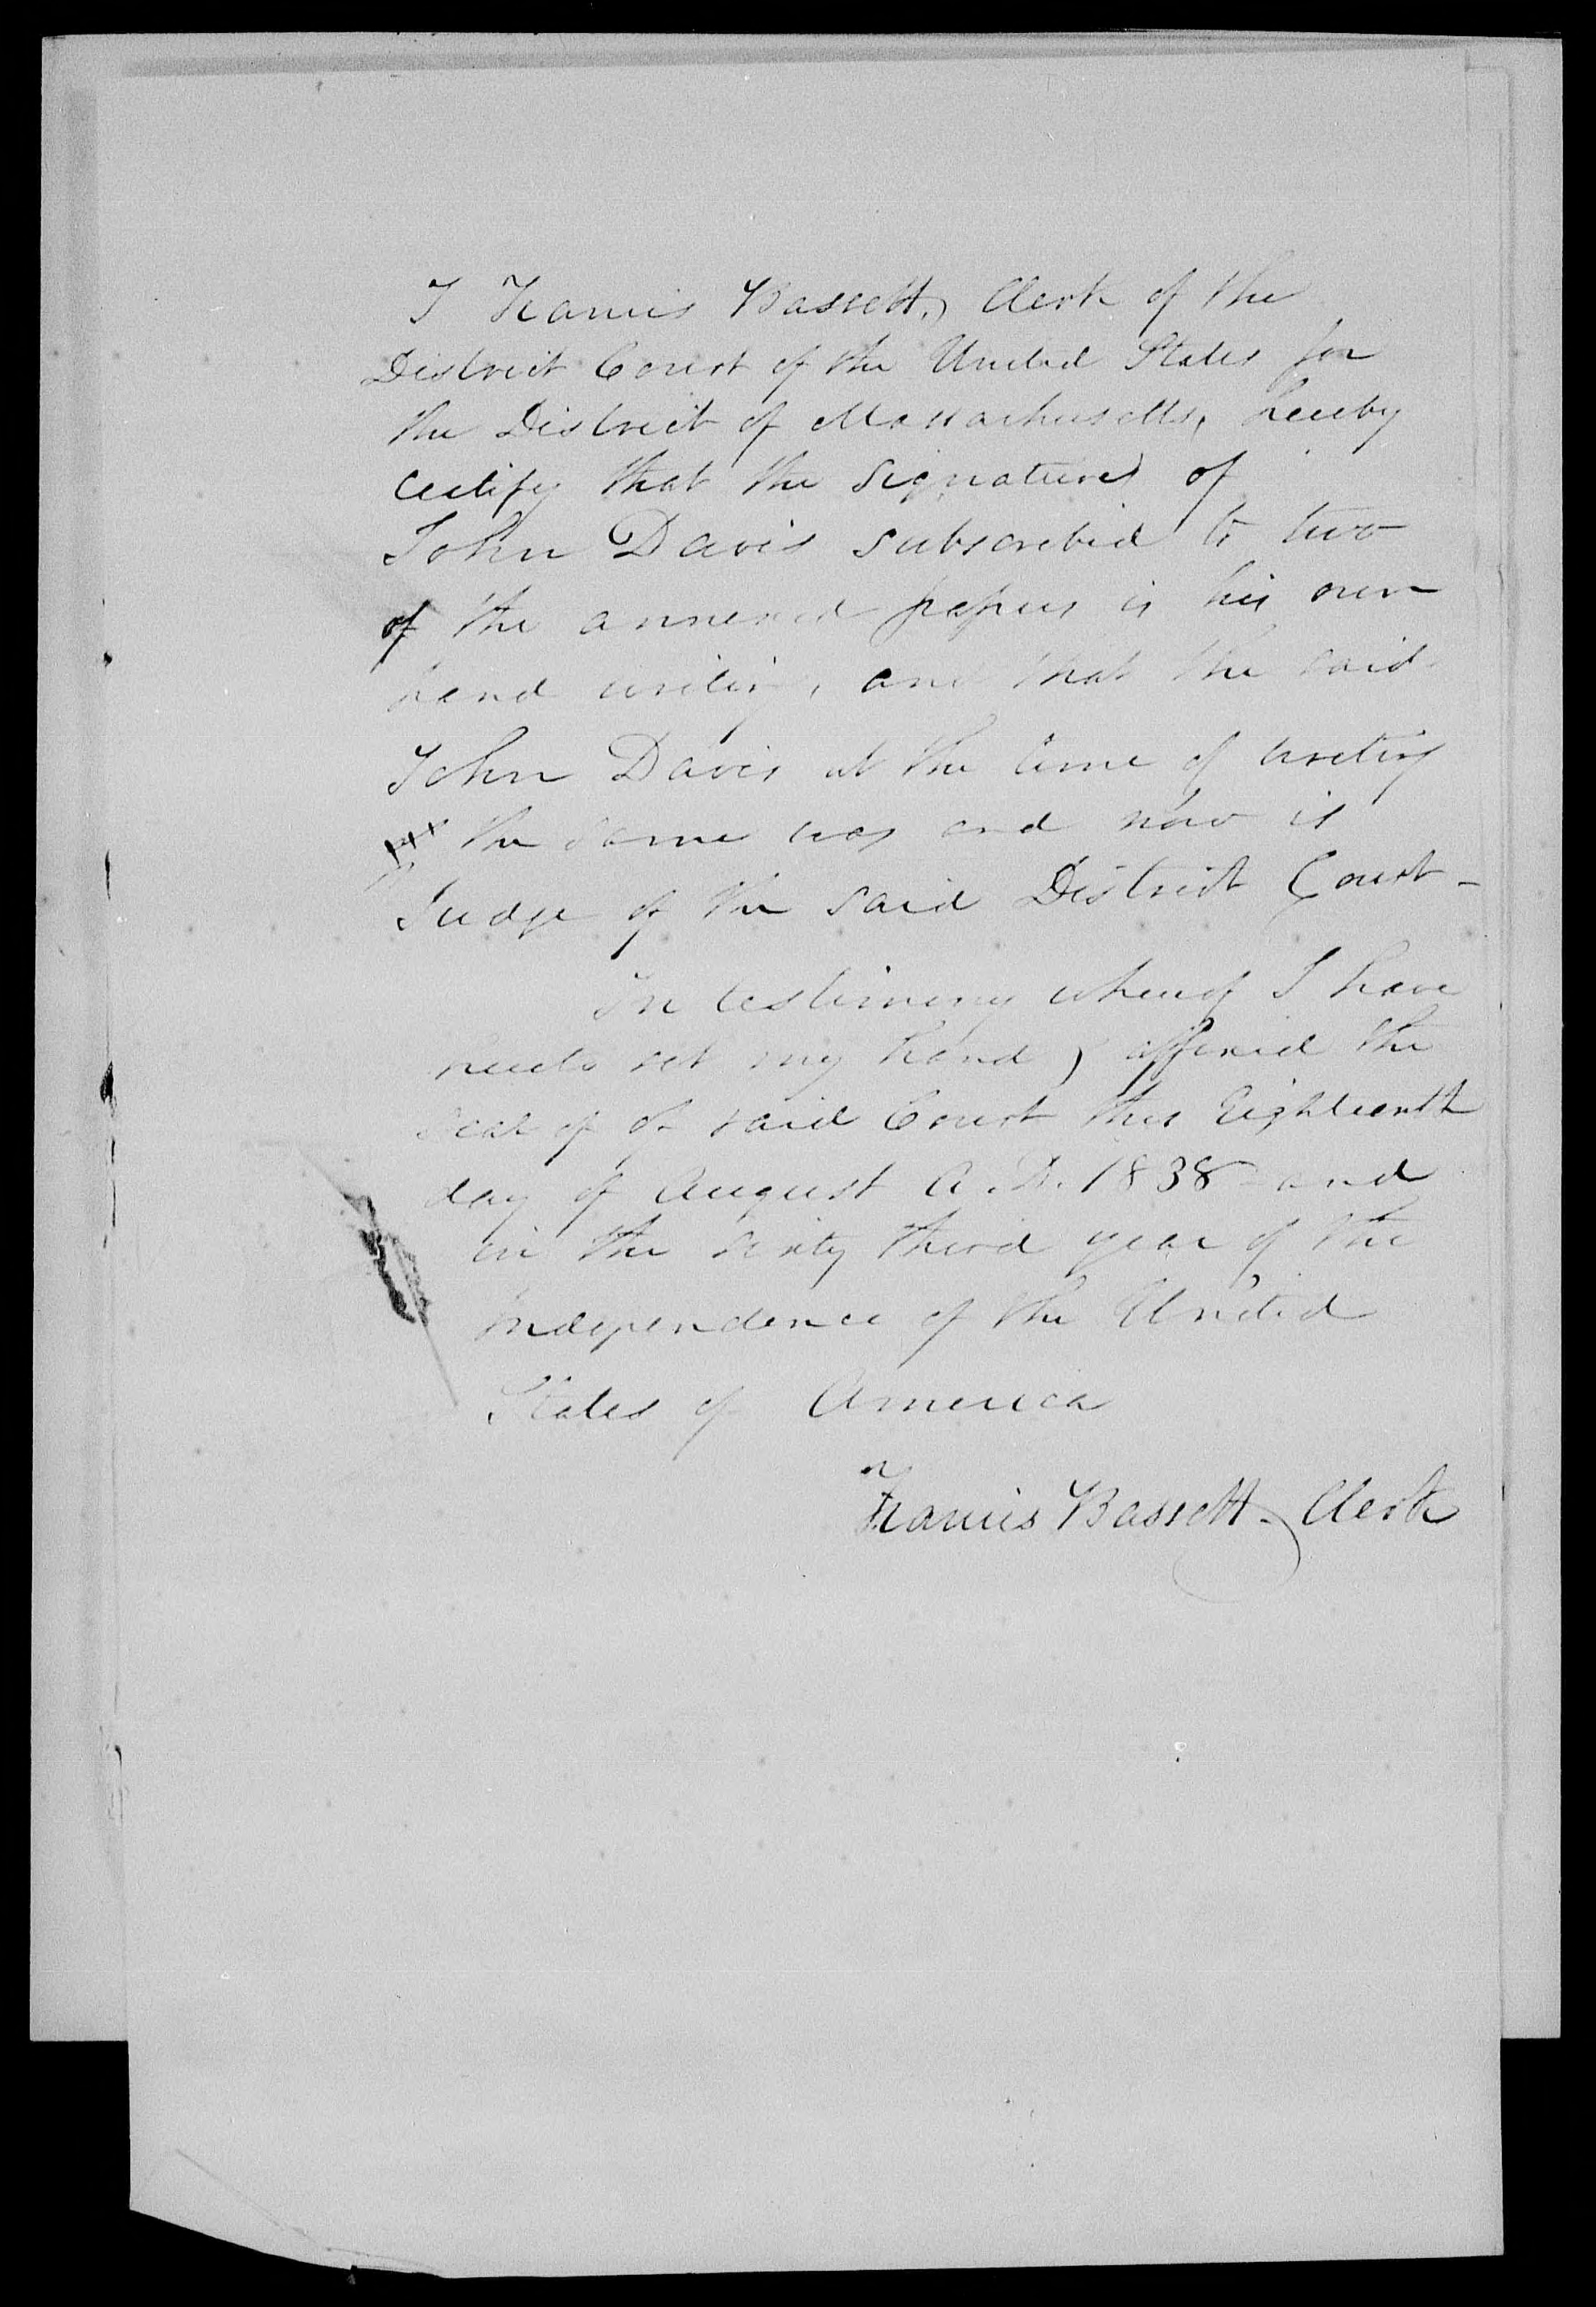I Francis Basset, Clerk of the District Court of the United States for the District of Massachusetts, hereby certify that the signature of John Davis subscribed to two of the annexed papers is his own hand writing, and that the said John Davis at the time of certifying the same was and who is Judge of the said District Court.
In testimony whereof I have hereunto set my hand & affixed the seal of said Court this Eighteenth day of August A.D. 1838 and in the sixty third year of the independence of the United States of America
Francis Bassett, Clerk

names: Francis Bassett; John Davis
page: 11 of 23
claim: widow's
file: W. 15010, for Thomas Lamb, Massachusetts